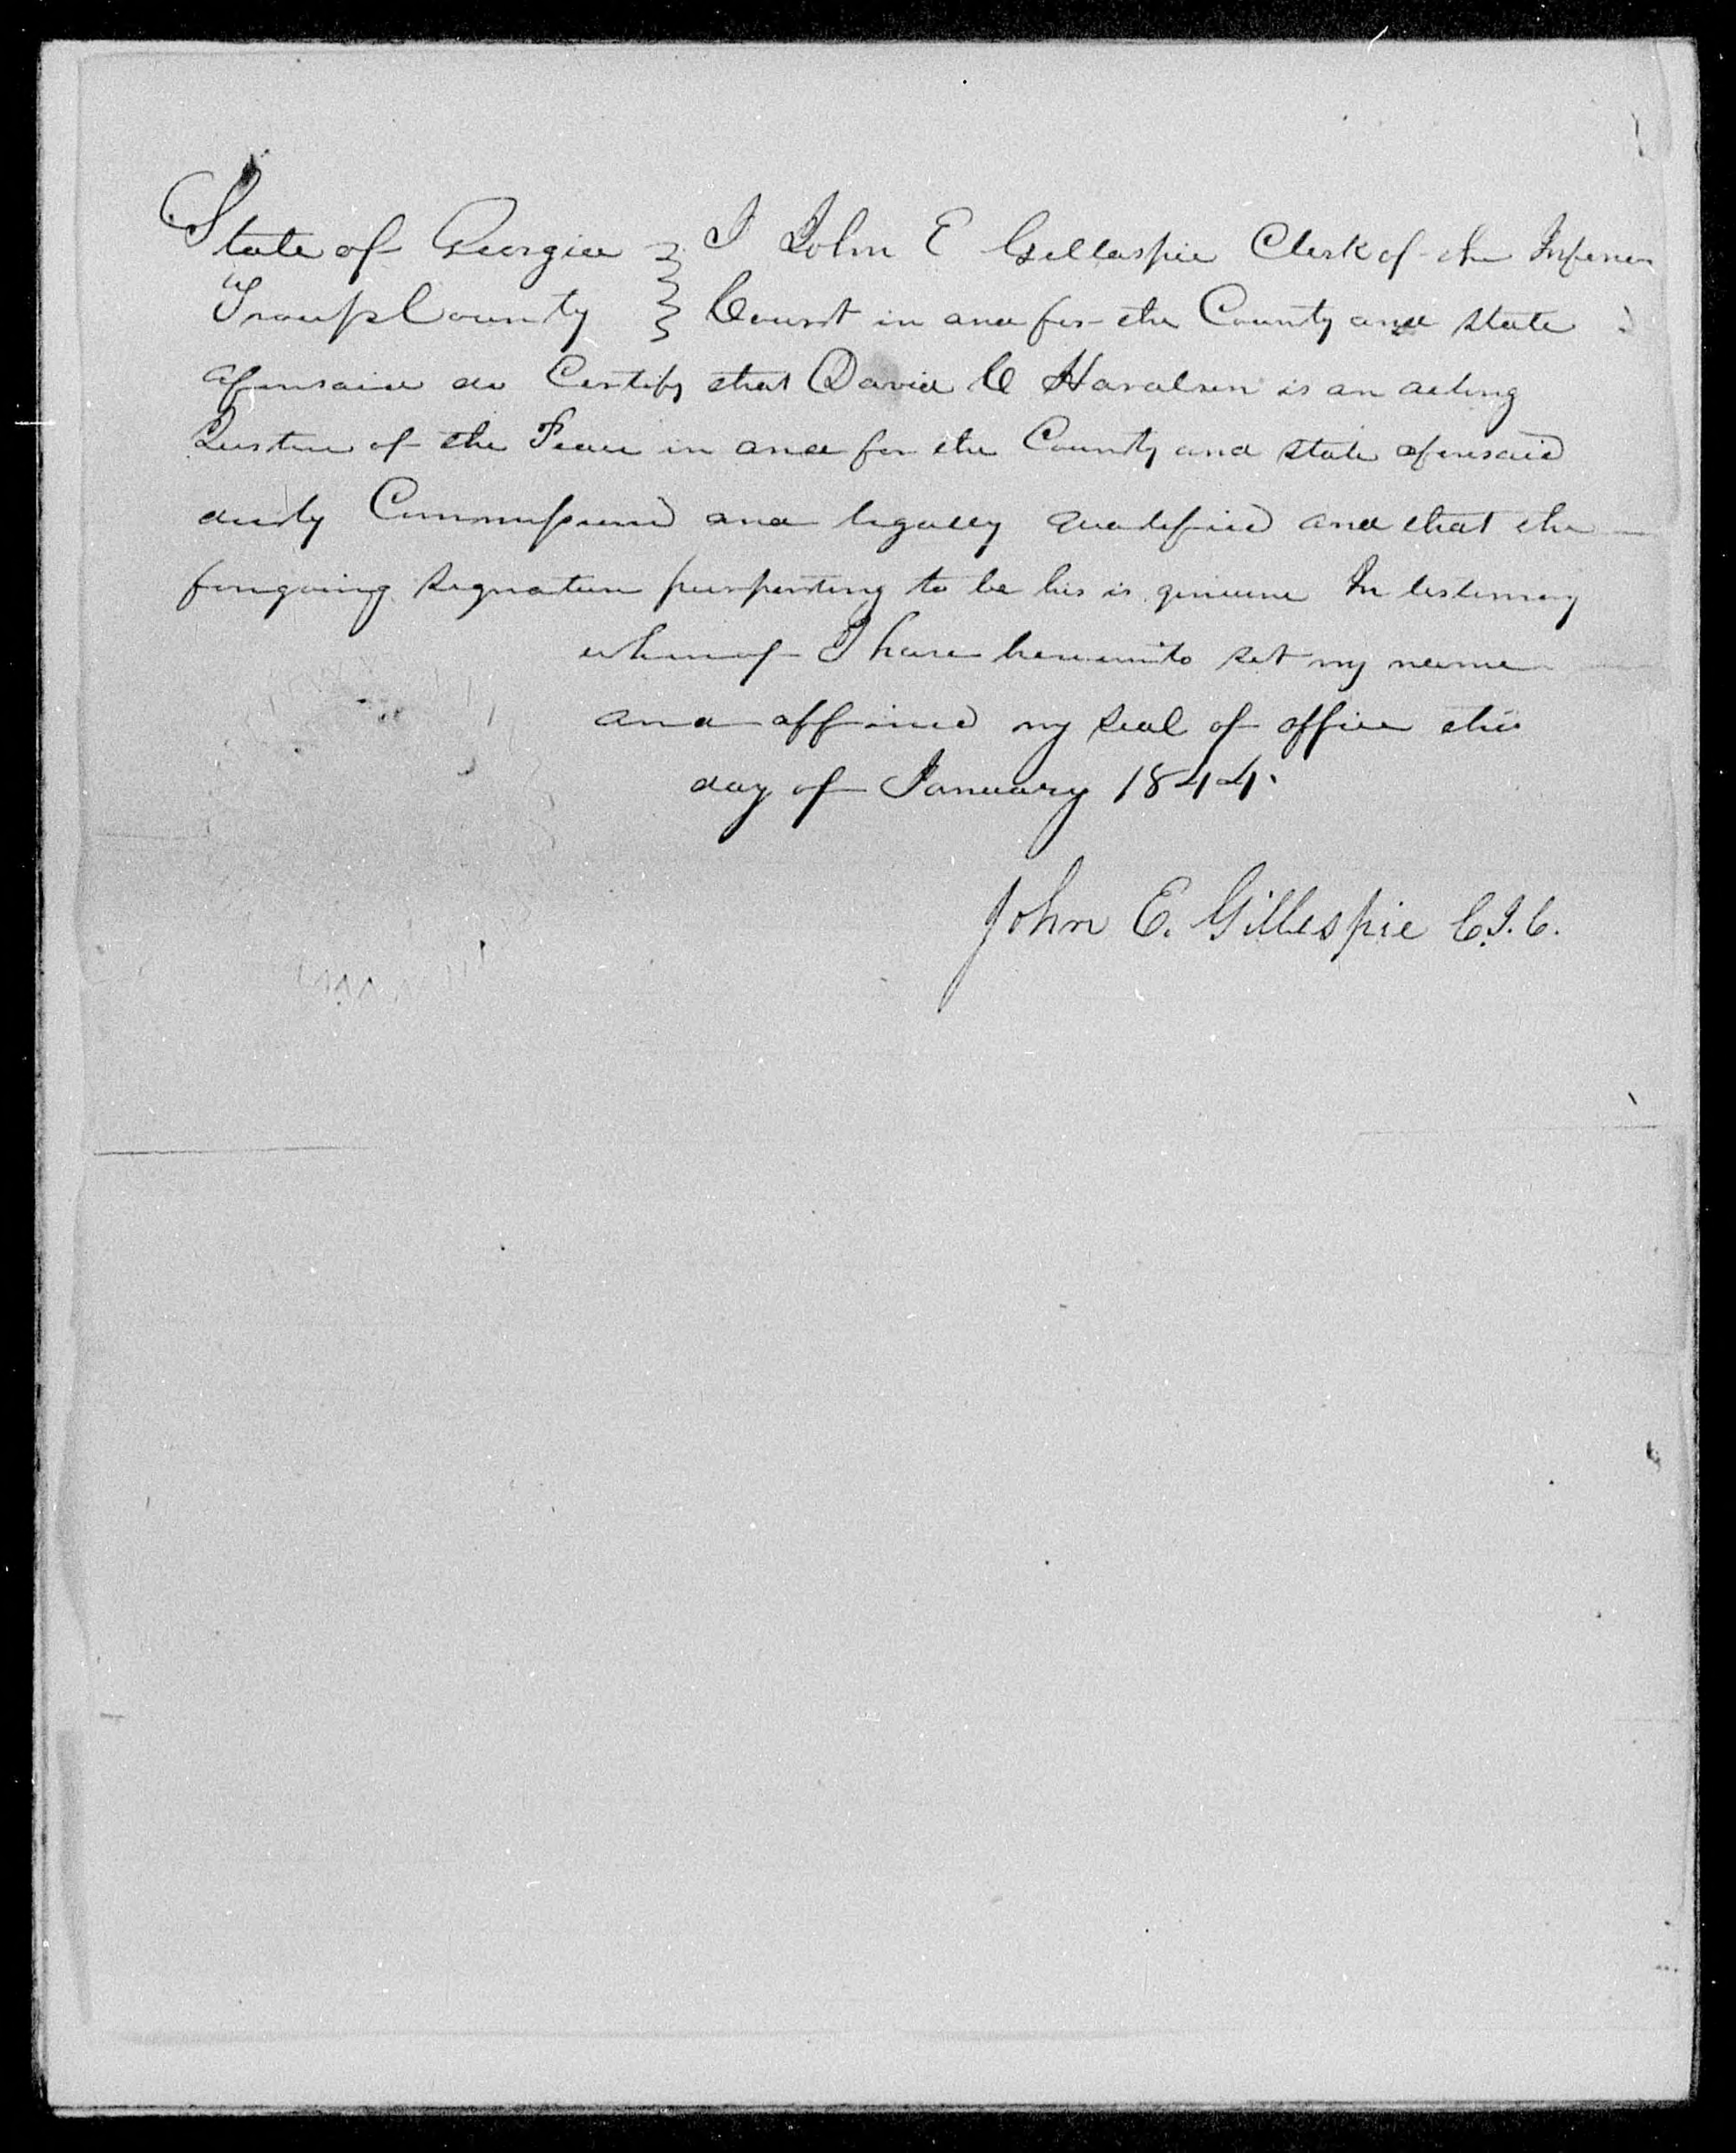State of Georgia} I John E Gillespie Clerk of the
Troup County} Inferior Court in and for the County and State aforesaid do Certify that David C Haralson is an acting Justice of the Peace in and for the County and State aforesaid duly Commissioned and legally qualified and that the foregoing signature purporting to be his is genuine In testimony whereof I have hereunto set my name and affixed my seal of office this day of January 1844.
John E. Gillespie C. I. C.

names: David C Haralson, John E Gillaspie, John E Gillespie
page: 54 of 54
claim: widow's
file: W. 3794, Nathan Formby, Va.